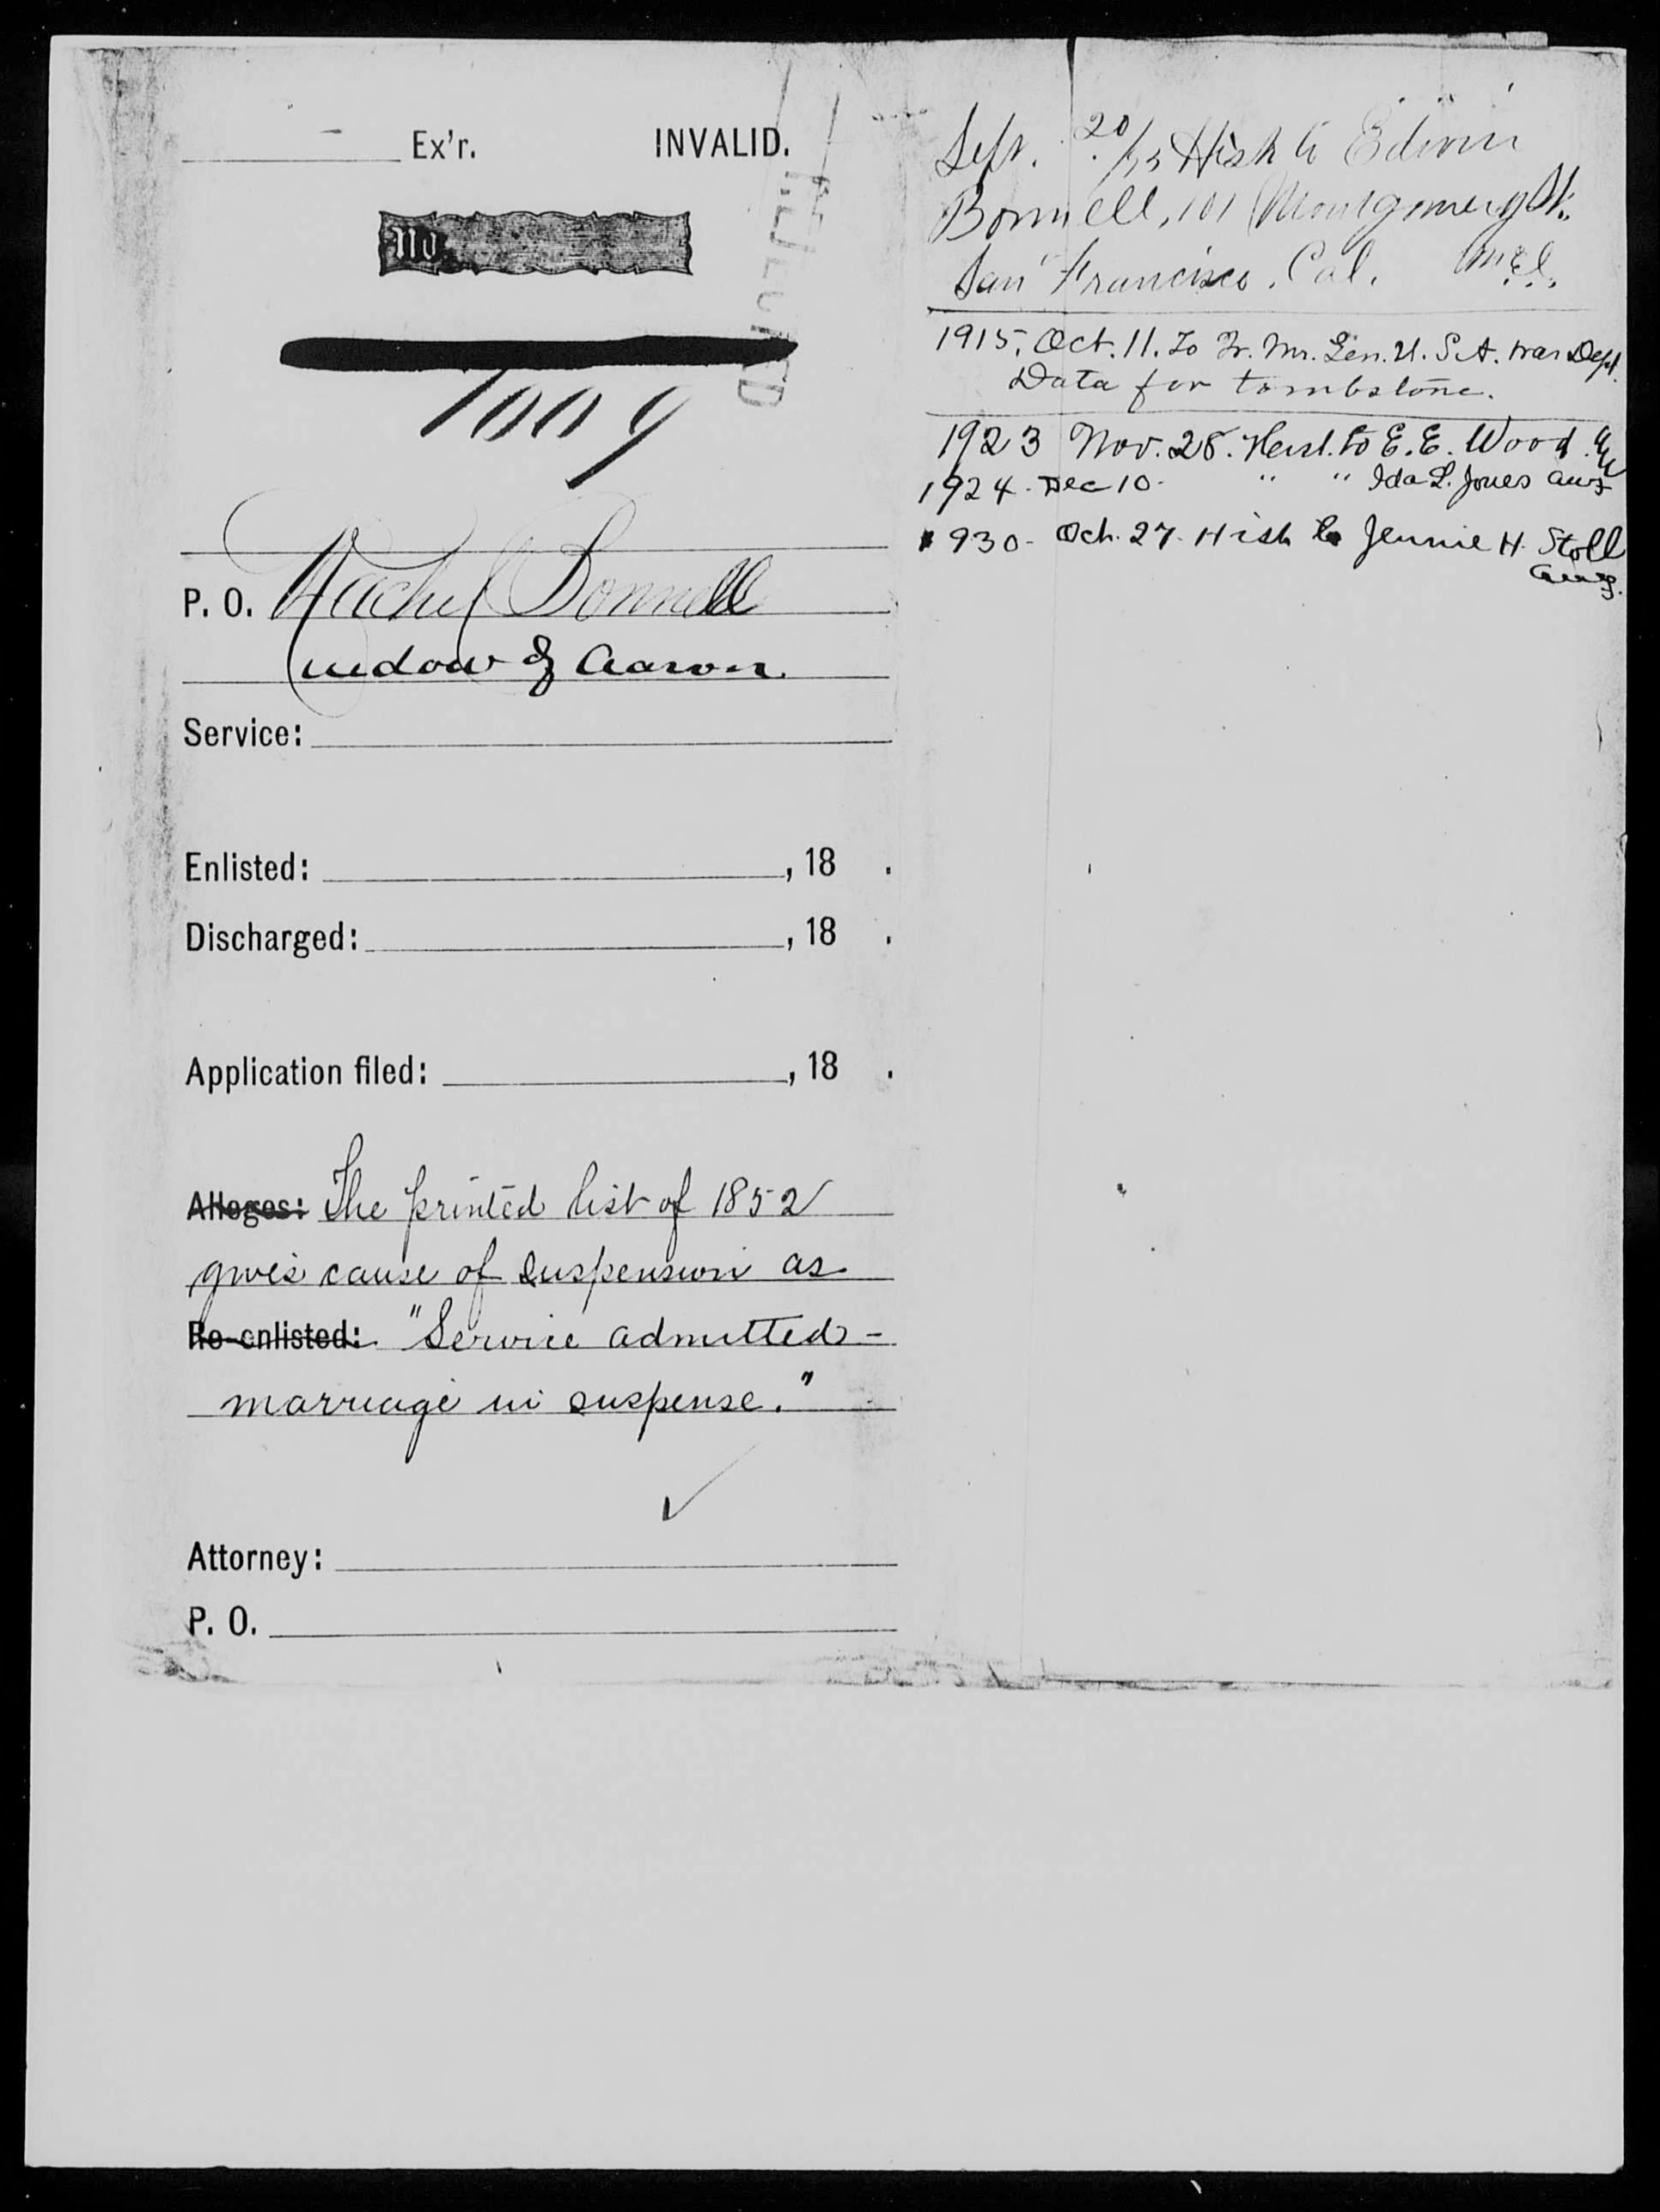_____Ex'r
INVALID
1009

P.O.  Rachel Bonnell
widow of Aaron
Service:
Enlisted: _________,18  .
Discharged: _________,18  .
Application Filed: _________,18  .

The printed list of 1852 gives cause of suspension as "service admitted - marriage in suspense"

Attorney:
P.O.
Sep 20/93 Hist to Edwin Bonnell 101 Montgomery St San Francisco, Cal.  MEL
1915 Oct. 11 to Jr Mr, Len U.S. A War Dept data for tombstone
1923 Nov 28 Hist to E.E. Wood  AWF
1924 Dec 10  Hist to Ida L. Jones    AWF
1930 Oct 27 Hist to Jennie H. Stoll  AWF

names: Rachel Bonnell, E E Wood, Jennie H Stoll, Aaron Bonnell, Edwin Bonnell, Ida L Jones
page: 21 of 67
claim: rejected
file: R. 1009, Aaron Bonnel, New Jersey